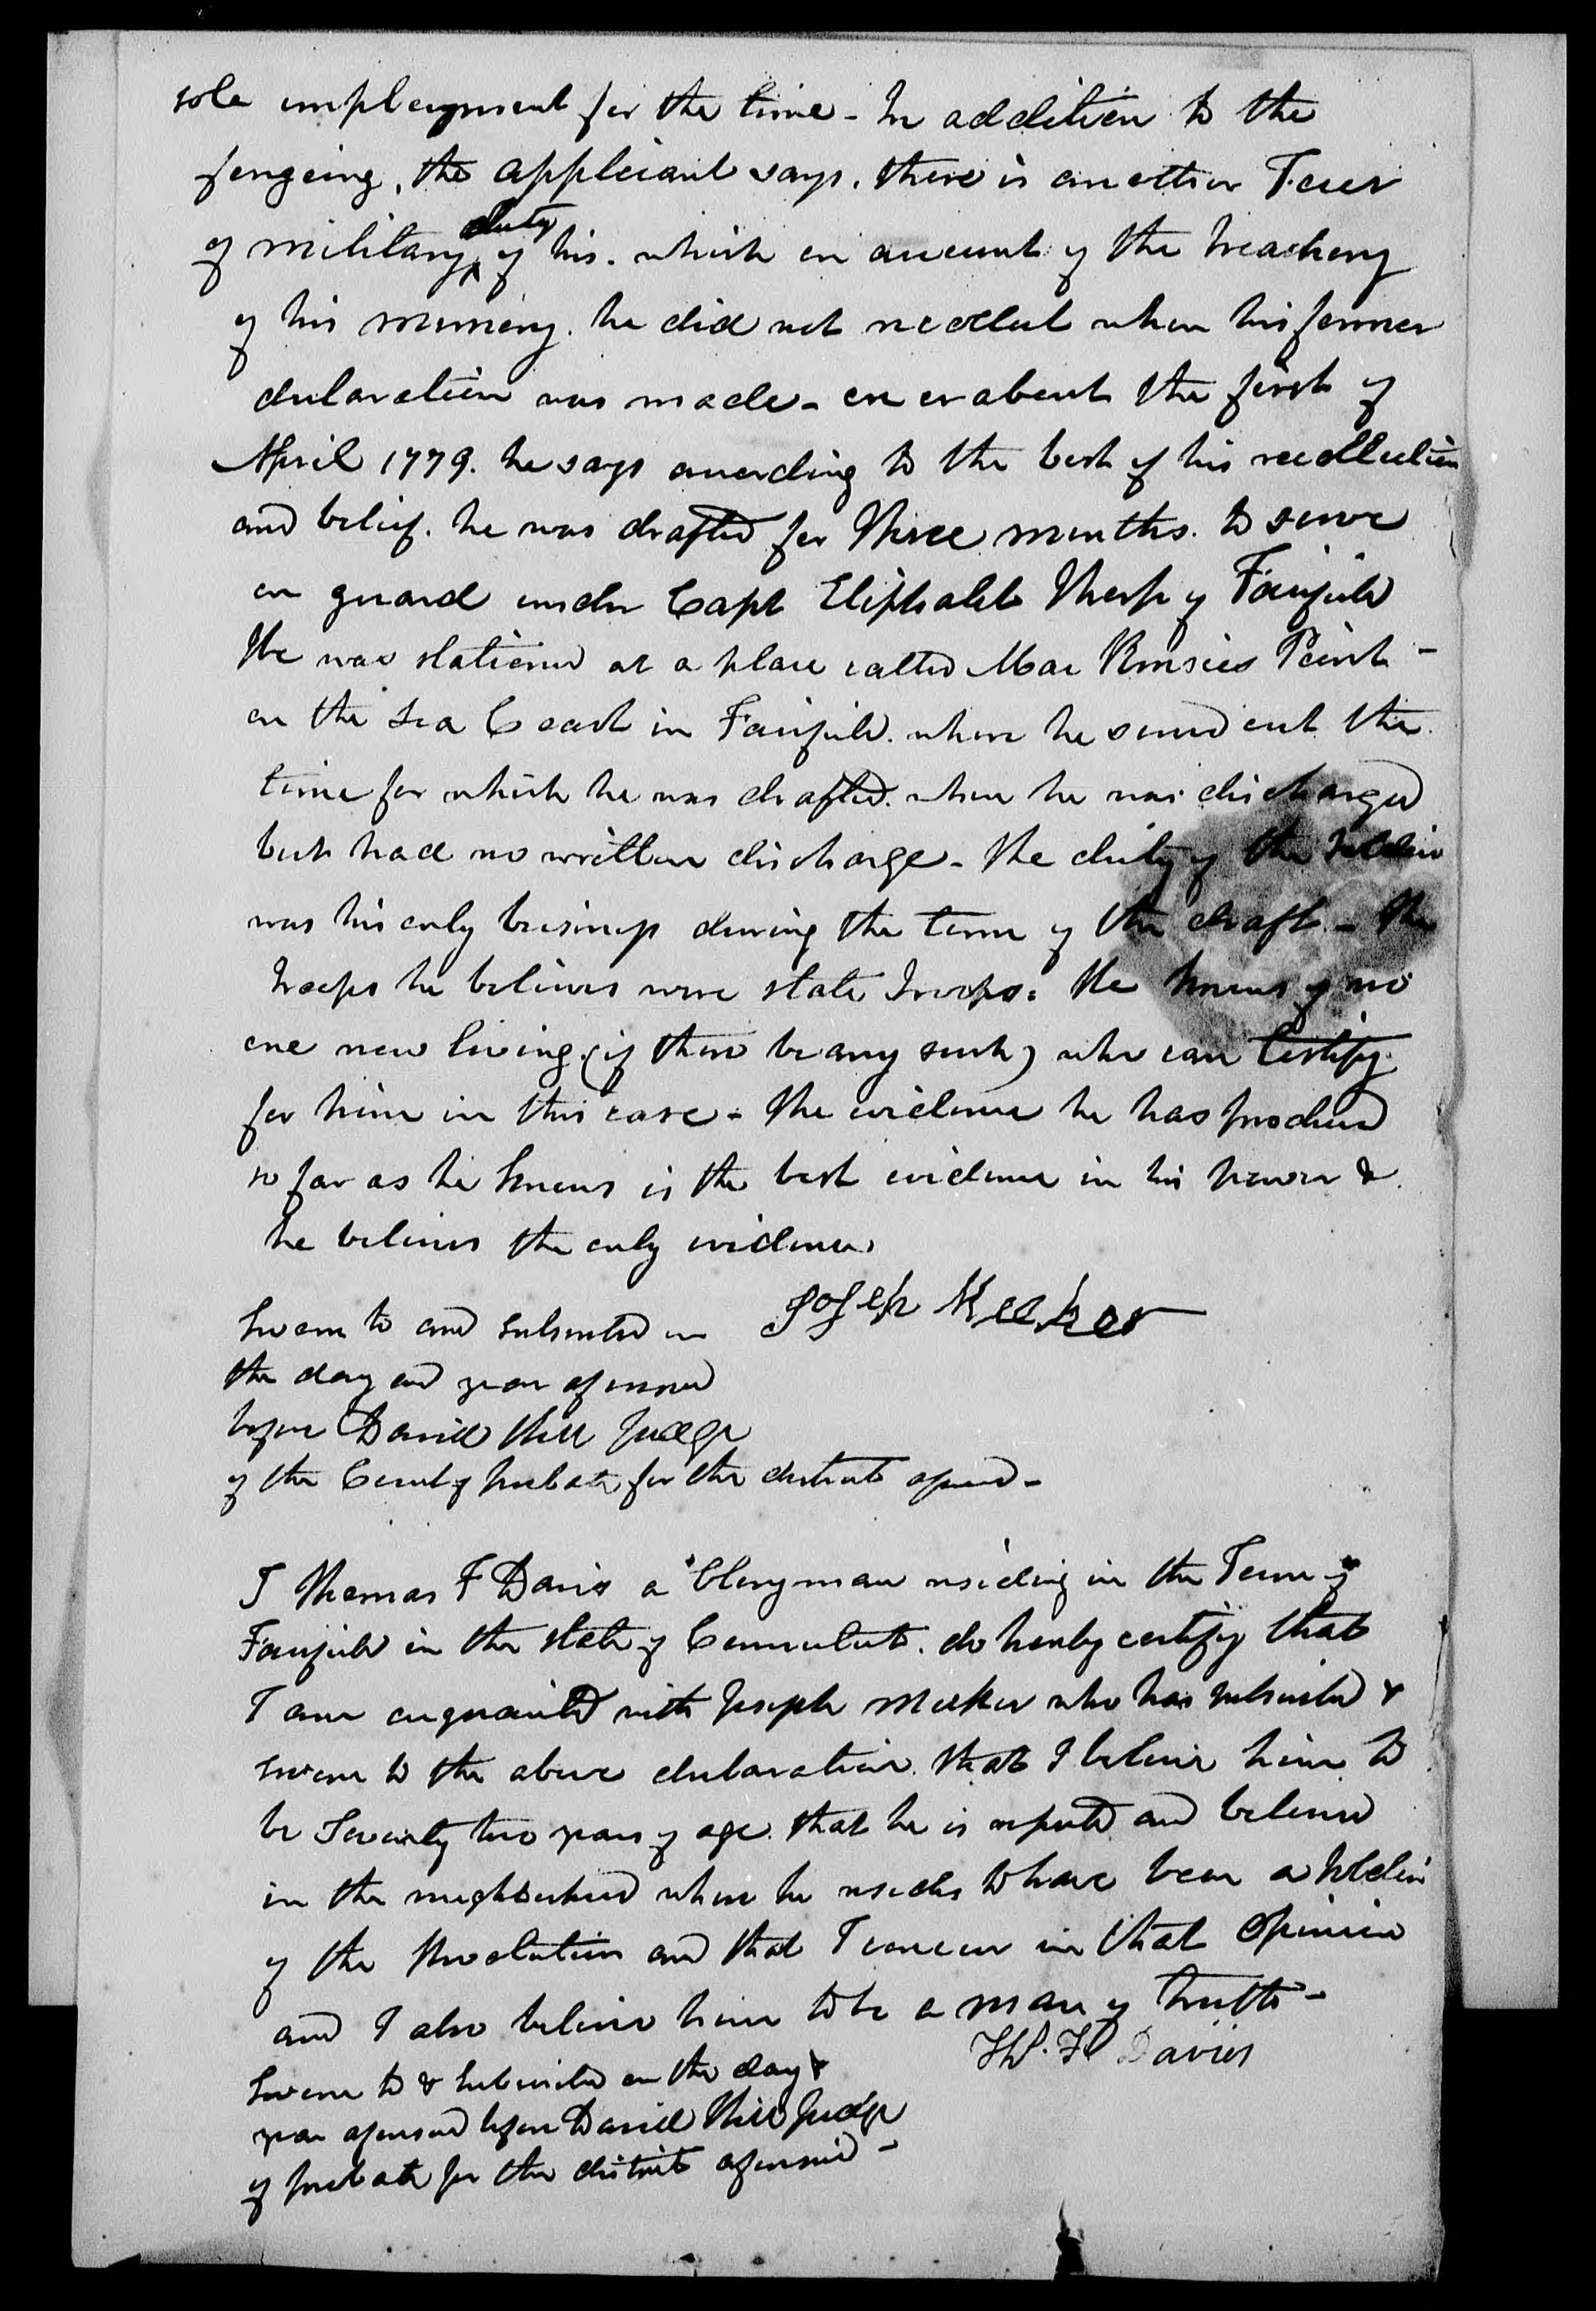sole employment for the time - In addition to the foregoing, the applicant says there is another Tour of military duty [last word inserted] of his which on account of the treachery  of his memory he did not include when his former declaration was made - on or about the first of April 1779 he says according to the best of his recollection and belief he was drafted for Nine months to serve on guard under Capt Eliphalet Thorp of Fairfield. He was stationed at a place called Mar Rumsies [?]  Point- on the Sea Coast in Fairfield when he served out the term for which he was drafted. Then he was discharged but had no written discharge. The duty of this soldier was his only business during the term of the draft - The Troops he believes were state Troops. He knows of no one now living (if there be any such) who can testify for him in this case - The evidence so far as he knows is the best evidence in his power & he believes the only evidence.
     [Signed]  Josep [sic] Meeker
Sworn to and subscribed on'\
the day and year aforesaid
before David Hill Judge
of the Court of Probate for the district 
                aforesaid -

I Thomas F Davis a clergyman residing in the Town of Fairfield in the State of Connecticut do hereby certify that I am acquainted with Joseph Meeker who has subscribed & sworn to the above declaration that I believe him to be seventy two years of age that he is reputed and believed in the neighborhood where he resides to have been a soldier of the Revolution and that I concur in that opinion and I also believe him to be a man of truth -
              [Signed Ths. F Davis
Sworn to & subscribed on the day &
year aforesaid before David Hill Judge
of Probate for the district aforesaid -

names: Thomas F Davis; Eliphalet Thorp; Josep Meeker; David Hill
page: 14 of 22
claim: survivor's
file: S. 15,517, for Joseph Meeker, Connecticut